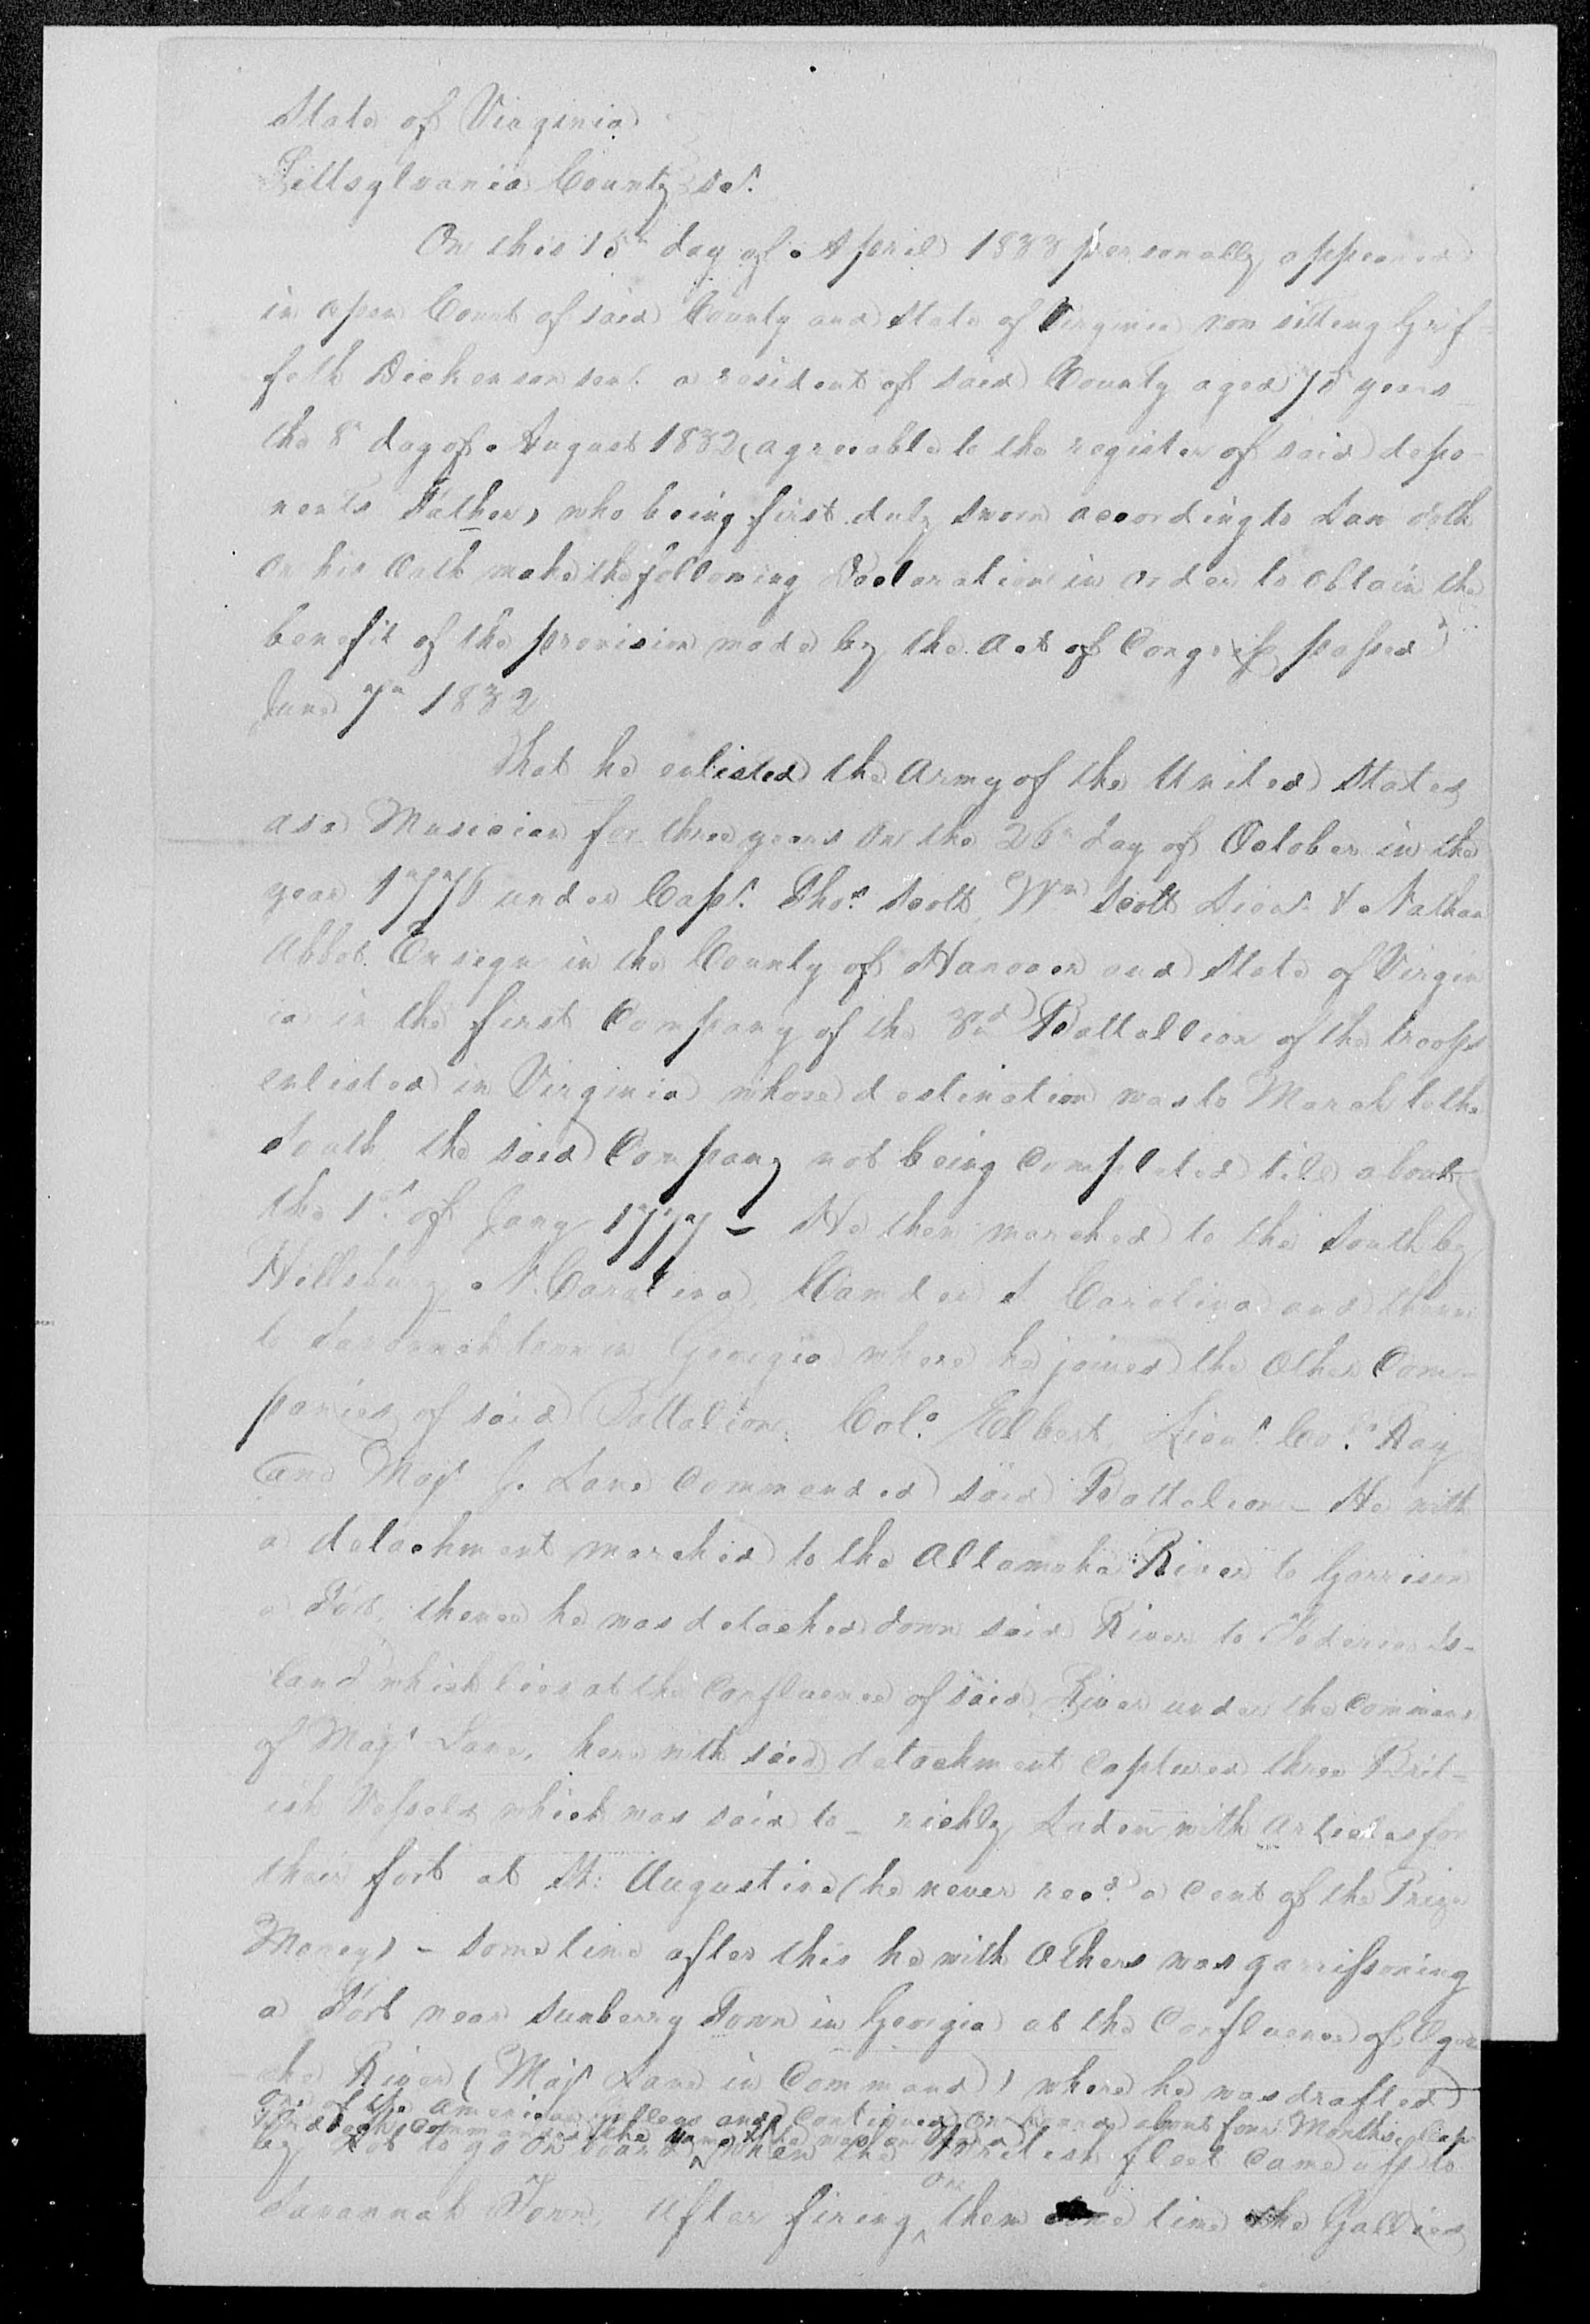State of Virginia
Pittsylvania County 
On this 15th day of April 1833 personally appeared in open court of said county and state of Virginia now sitting Griffeth Dickenson Sen'r. a resident of said county aged 75 years the 8 day of August 1832 (agreeable to the register of said deponent's Father, who being first duly sworn according to Law doth on his oath make the following Declaration in order to obtain the benefit of the provision made by the Act of Congress passed June 7th 1832
That he enlisted the Army of the United States as a Musician for three years on the 26th day of October in the year of 1776 under Capt. Thos. Scott, Wm Scott, Lieut. & Nathan Abbot Ensign in the County of Hanover and State of Virginia in the first company of the 3rd Battalion of the troops enlisted in Virginia whose destination was to March to the South. the said company not being completed till about the 1st of Jany 1777 - He then marched to the South by Hillsburg . N. Carolina, Camden S. Carolina and then to Savannah Town in Georgia where he joined the other companies of said Battalion. Col. Elbert, Lieut. Colo. Ray and Maj'r. J. Lane commanded said Battalion - He with a detachment marched to the Altamaha River to Garrison a Fort. there he was detached down said River to Frederica Island 
which lies at the confluence of said River under the command of Maj’r. Lane. he with said detachment captured three British Vessels which was said to richly Laden with Articles for the fort at St. Augustine (he never rec’d. a cent of the Prize Money) – Some time after
this he with others was garrissoning a fort near Sunbury town in Georgia at the Confluence of Ogeeche River (Maj’r. Lane in command), where he was drafted by lot to go on board one of the American Galleys and continued on board about four Months. Capt [illegible] commanded the vessel[?] he was on board when the British fleet came up to Savannah Town. After firing on them one time the Gallies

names: J Lane, Elbert, Wm Scott, Nathan Abbot, Thos Scott, Griffeth Dickenson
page: 3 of 26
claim: survivor's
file: S. 20896, Griffeth Dickenson, Ga. Va.